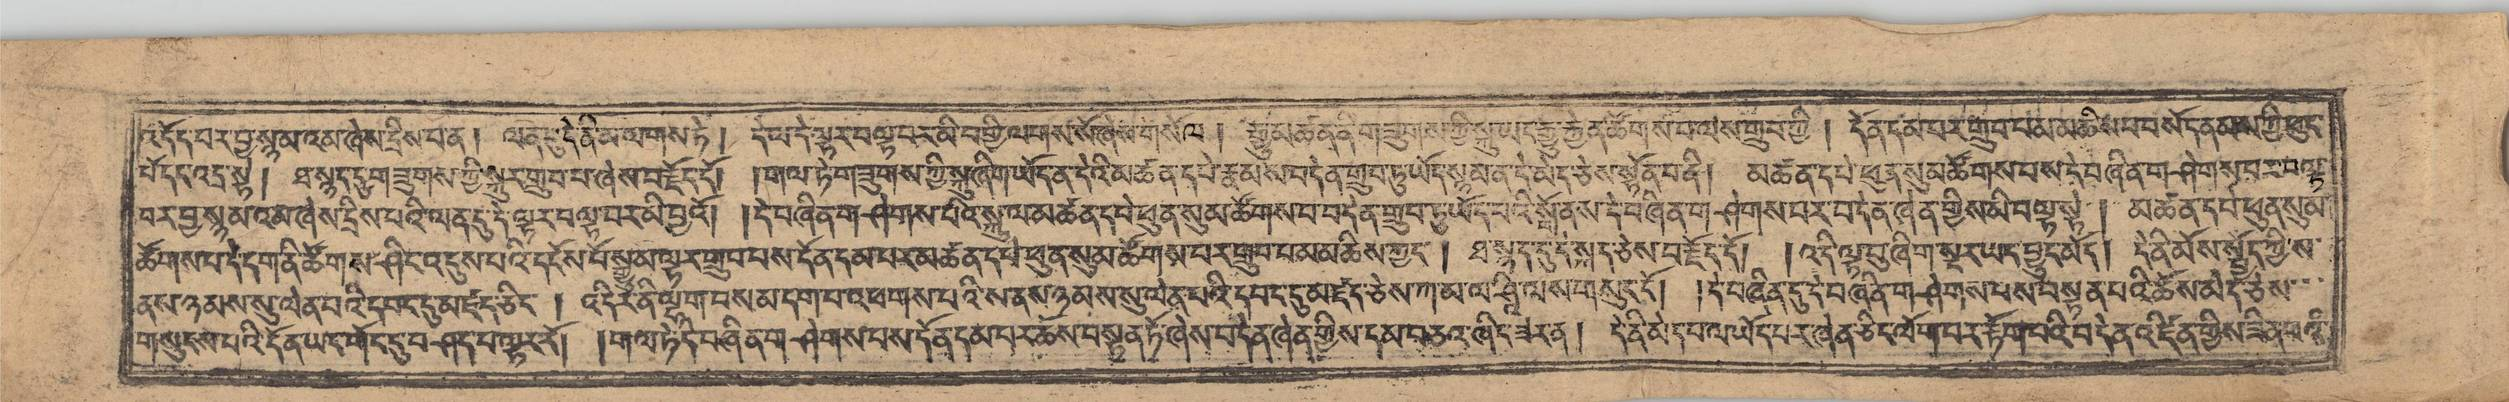འདོད་པར་བྱ་སྙམ་འམ་ཞེས་དྲིས་པ་ན། ལན་དུ་དེ་ནི་མ་ལགས་ཏེ། དེ་ལ་དེ་ལྟར་བལྟ་བར་མི་བགྱི་ལགས་སོ་ཞེས་གསོལ། རྒྱུ་མཚན་ནི་གཟུགས་ཀྱི་སྐུ་ཡང་རྒྱུ་རྐྱེན་ཚོགས་པ་ལས་གྲུབ་ཀྱི། དོན་དམ་པར་གྲུབ་པ་མ་མཆིས་པ་བསོད་ནམས་ཀྱི་ཕུང་
པོ་དང་འདྲ་སྟེ། ཐ་སྙད་དུ་གཟུགས་ཀྱི་སྐུར་གྲུབ་པ་ཞེས་བརྗོད་དོ། །གལ་ཏེ་གཟུགས་ཀྱི་སྐུ་ཞིག་ཡོད་ན་དེའི་མཚན་དཔེ་རྣམས་བདེན་གྲུབ་ཏུ་ཡོད་སྙམ་ན་དེ་མེད་ཅེས་སྟོན་པ་ནི། མཚན་དཔེ་ཕུན་སུམ་ཚོགས་པས་དེ་བཞིན་གཤེགས་བར་བལྟ་
བར་བྱ་སྙམ་འམ་ཞེས་དྲིས་པའི་ལན་དུ་དེ་ལྟར་བལྟ་བར་མི་བྱའོ། །དེ་བཞིན་གཤེགས་པའི་སྐུ་ལ་མཚན་དཔེ་ཕུན་སུམ་ཚོགས་པ་བདེན་གྲུབ་ཏུ་ཡོད་པའི་སྒོ་ནས་དེ་བཞིན་གཤེགས་པར་བདེན་ཞེན་གྱིས་མི་བལྟ་སྟེ། མཚན་དཔེ་ཕུན་སུམ་
ཚོགས་པ་དེ་དག་ནི་ཚོགས་ཤིང་འདུམ་པའི་དངོས་པོ་སྒྱུ་མ་ལྟར་གྲུབ་པས་དོན་དམ་པར་མཚན་དཔེ་ཕུན་སུམ་ཚོགས་པར་གྲུབ་པ་མ་མཆིས་ཀྱང་། ཐ་སྙད་དུ་དེ་སྐད་ཅེས་བརྗོད་དོ། །འདི་ལྟ་བུ་ཞིག་སྔར་ཡང་བྱུང་མོད། དེ་ནི་མོས་སྤྱོད་ཀྱི་ས་
ནས་ཉམས་སུ་ལེན་པའི་དབང་དུ་མཛད་ཅིང་། འདིར་ནི་ལྷག་བསམ་དག་པ་འཕགས་པའི་ས་ནས་ཉམས་སུ་ལེན་པའི་དབང་དུ་མཛད་ཅེས་ཀ་མ་ལ་ཤཱི་ལས་གསུང་ངོ། །དེ་བཞིན་དུ་དེ་བཞིན་གཤེགས་པས་བསྟན་པའི་ཆོས་མེད་ཅེས་
གསུངས་པའི་དོན་ཡང་གོང་དུ་བཤད་པ་ལྟར་རོ། །གལ་ཏེ་དེ་བཞིན་གཤེགས་པས་དོན་དམ་པར་ཆོས་བསྟན་ཏོ་ཞེས་བདེན་ཞེན་གྱིས་དམ་བཅའ་ཞིང་ཟེར་ན། དེ་ནི་མེད་པ་ལ་ཡོད་པར་ཞེན་ཅིང་ལོག་པར་རྟོག་པའི་བདེན་འཛིན་གྱིས་ཟིན་པའི་